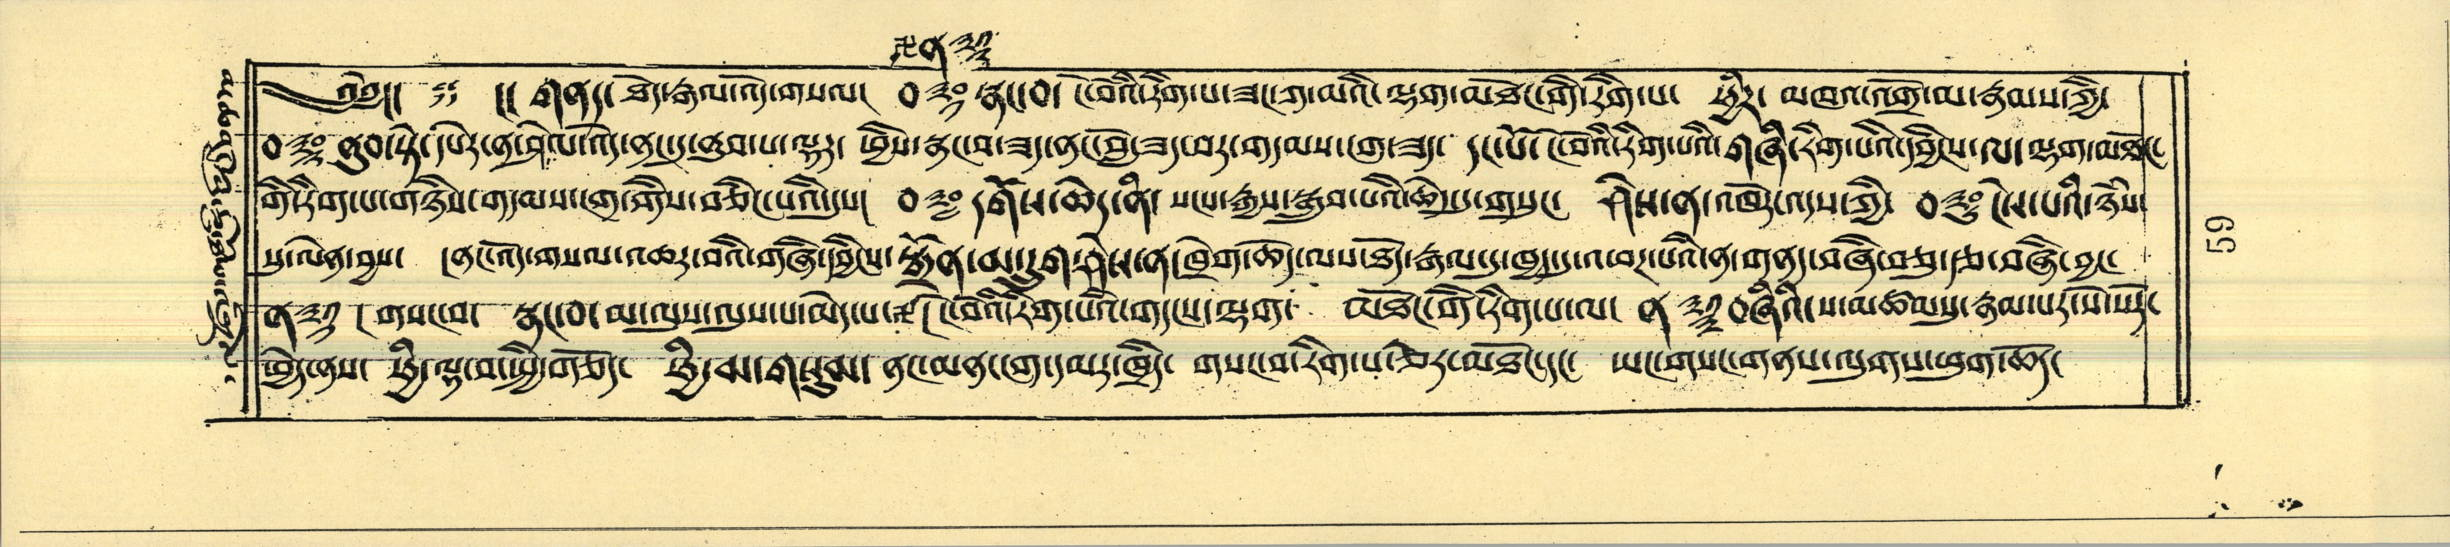༼གནད༽ཐོད་རྒལ་འོད་གསལ་བ༣༠།༡༼སྣང་བ༽ ངོ་བོའི་རིག་པ་ཟང་ཀ་མའི་ལྷག་མཐོང་གི་རིག་པ་༼ཕྱིར་༽མཁའ་འགྲོ་མ་རྣམས་ཀྱི་
བ༣༠།༼ནུབ་སྟེ༽དཔེར་ན་ཤེལ་འོད་ནང་དུ་ནུབ་པ་ལྟར། ཕྱིའི་སྣང་བ་ཟད་ནང་བློ་ཟད་བར་གདམས་ངག་ཟད་ ༼དང་པོ༽ངོ་བོའི་རིག་པའི་༼གཞི༽རིག་པའི་དབྱིངས་ ༼ལ༽ལྷག་མཐོང་
གི་རིག་པ་གཉིས་གདམས་ངག་གིས་བཅིངས་པའི་དུས་བ༣༠།༤ ༼དགོས་ཆེད་ནི༽སངས་རྒྱས་བསྒྲུབ་པའི་ཆེད་དུ་གསུངས་ ༼ཤེས་ན༽འཁོར་འདས་ཀྱི་བ༣༠།༦ ༼ངེས་པའི༽ཉམས་
སུ་ལེན་བྱས། ནང་འོད་གསལ་འཆར་བའི་གཞི་དབྱིངས་ ༼སྒྲོན་མ་དྲུག་ཤེས་ན༽ཁྲེག་ཆོད་ལས་ཐོད་རྒལ་དུ་ཁྱད་དུ་འཕགས་པས་ན། གནད་བཞི་བཅུ་རྩ་བཞི་བྱང་
ན༣༡།༡ གསང་བ་༼སྣང་བ༽མ་ལུས་ལུས་པ་མེད་པ་ན༣༡།༢ ངོ་བོའི་རིག་པའི་གདངས་ལྷག་མཐོང་གི་རིག་པ་ལ་ན༣༡།༣ ༼བཞིའི༽ས་མཚམས་སུ་རྣམ་པར་སོ་སོར་
ཕྱེད་ནས་༼ཕྱི༽ལྟ་བ་སྤྱི་གཅོད་༼ཕྱི་མ་གསུམ༽ནང་མན་ངག་དམར་ཁྲིད་གསང་བ་རིག་པ་གཅེར་མཐོང་ཡང་གསང་གནས་ལུགས་ཕུག་ཆོད་